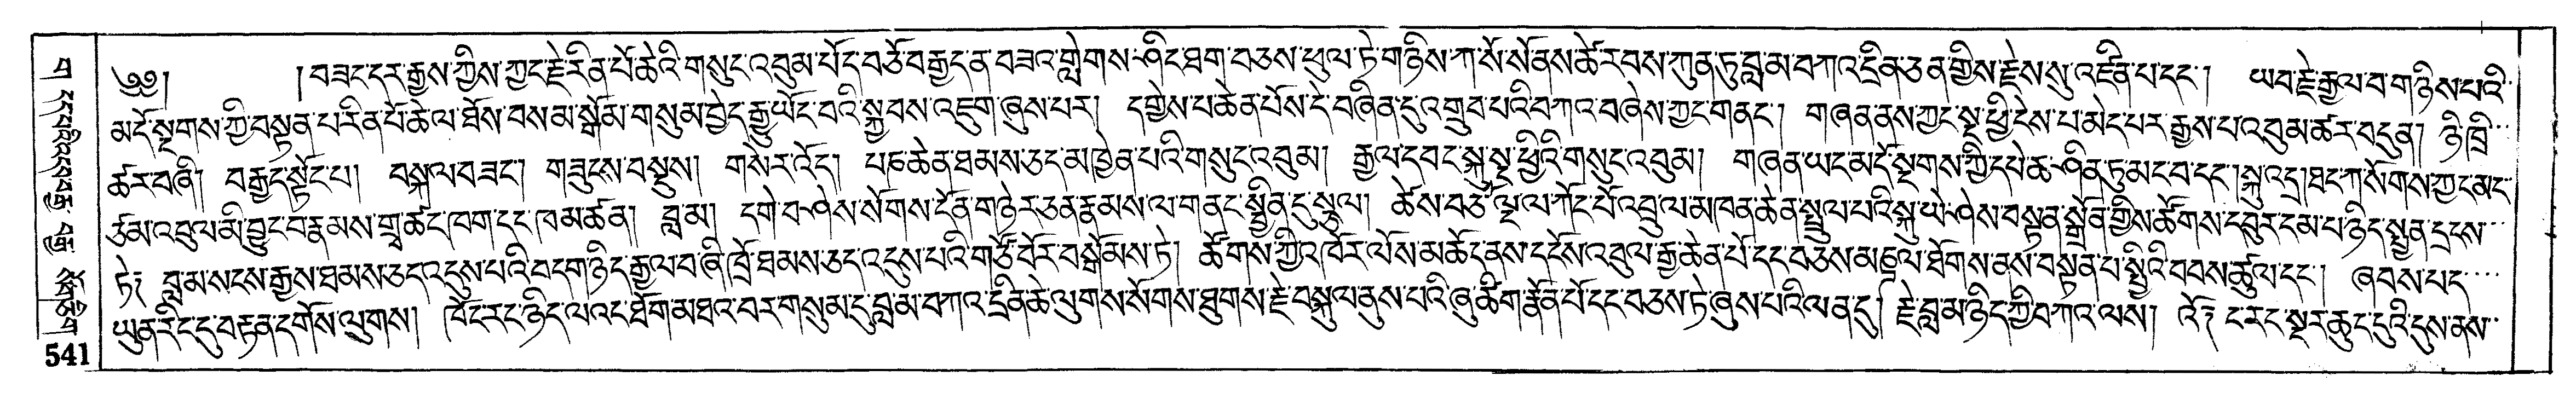༄༅། །བཟང་དར་རྒྱས་ཀྱིས་ཀྱང་རྗེ་རིན་པོ་ཆེའི་གསུང་འབུམ་པོད་བཅོ་བརྒྱད་ན་བཟའ་གླེགས་ཤིང་ཐག་བཅེས་ཕུལ་ཏེ་གཉིས་ཀ་སོ་སོ་ནས་ཚེ་རབས་ཀུན་ཏུ་བླ་མ་བཀའ་དྲིན་ཅན་གྱིས་རྗེས་སུ་འཛིན་པ་དང་། ཡབ་རྗེ་རྒྱལ་བ་གཉིས་པའི་
མདོ་སྔགས་ཀྱི་བསྟན་པ་རིན་པོ་ཆེ་ལ་ཐོས་བསམ་སྒོམ་གསུམ་བྱེད་རྒྱུ་ཡོང་བའི་སྐྱབས་འཇུག་ཞུས་པར། དགྱེས་པ་ཆེན་པོས་དེ་བཞིན་དུ་འགྲུབ་པའི་བཀའ་བཞེས་ཀྱང་གནང་། གཞན་ནས་ཀྱང་སྔ་ཕྱི་ངེས་པ་མེད་པར་རྒྱས་པ་འབུམ་ཚར་བདུན། ཉི་ཁྲི་
ཚར་བཞི། བརྒྱད་སྟོང་པ། བསྐལ་བཟང་། གཟུངས་བསྡུས། གསེར་འོད། པཎ་ཚེན་ཐམས་ཅད་མཁྱེན་པའི་གསུང་འབུམ། རྒྱལ་དབང་སྐུ་སྔ་ཕྱིའི་གསུང་འབུམ། གཞན་ཡང་མདོ་སྔགས་ཀྱི་དཔེ་ཆ་ཤིན་ཏུ་མང་བ་དང་། སྐུ་འདྲ། ཐང་ཀ་སོགས་ཀྱང་མང་
ཙམ་འབུལ་མི་བྱུང་བ་རྣམས་གྲྭ་ཚང་ཁག་དང་ཁམ་ཚན། བླ་མ། དགེ་བཤེས་སོགས་དོན་གཉེར་ཅན་རྣམས་ལ་གནང་སྦྱིན་དུ་སྩལ། ཚེས་བཅོ་ལྔ་ལ་ཀོང་པོ་འབྲུ་ལ་མཁན་ཆེན་སྤྲུལ་པའི་སྐུ་ཡེ་ཤེས་བསྟན་སྒྲོན་གྱིས་ཚོགས་དབུར་དམ་པ་ཉིད་སྤྱན་དྲངས་
ཏེ༑ བླ་མ་སངས་རྒྱས་ཐམས་ཅད་འདུས་པའི་བདག་ཉིད་རྒྱལ་བཞི་ཁྲོ་ཐམས་ཅད་འདུས་བའི་གཙོ་བོར་བསྒོམས་ཏེ། ཚོགས་ཀྱི་འཁོར་ལོས་མཆོད་ནས་དངོས་འབུལ་རྒྱ་ཚེན་པོ་དང་བཅས་མཎྜལ་ཐོགས་ནས་བསྟན་བ་སྤྱིའི་བབས་ཚུལ་དང་། ཞབས་པད་
ཡུན་རིང་དུ་བརྟན་དགོས་ལུགས། ཁོད་རང་ཉིད་ལའང་ཐོག་མཐའ་བར་གསུམ་དུ་བླ་མ་བཀའ་དྲིན་ཆེ་ལུགས་སོགས་ཐུགས་རྗེ་བསྐུལ་ནུས་པའི་ཞུ་ཚིག་རྣོན་པོ་དང་བཅས་ཏེ་ཞུས་པའི་ལན་དུ། རྗེ་བླ་མ་ཉིད་ཀྱི་བཀའ་ལས། འོ༑ ང་རང་སྔར་ཆུད་དུའི་དུས་ནས་